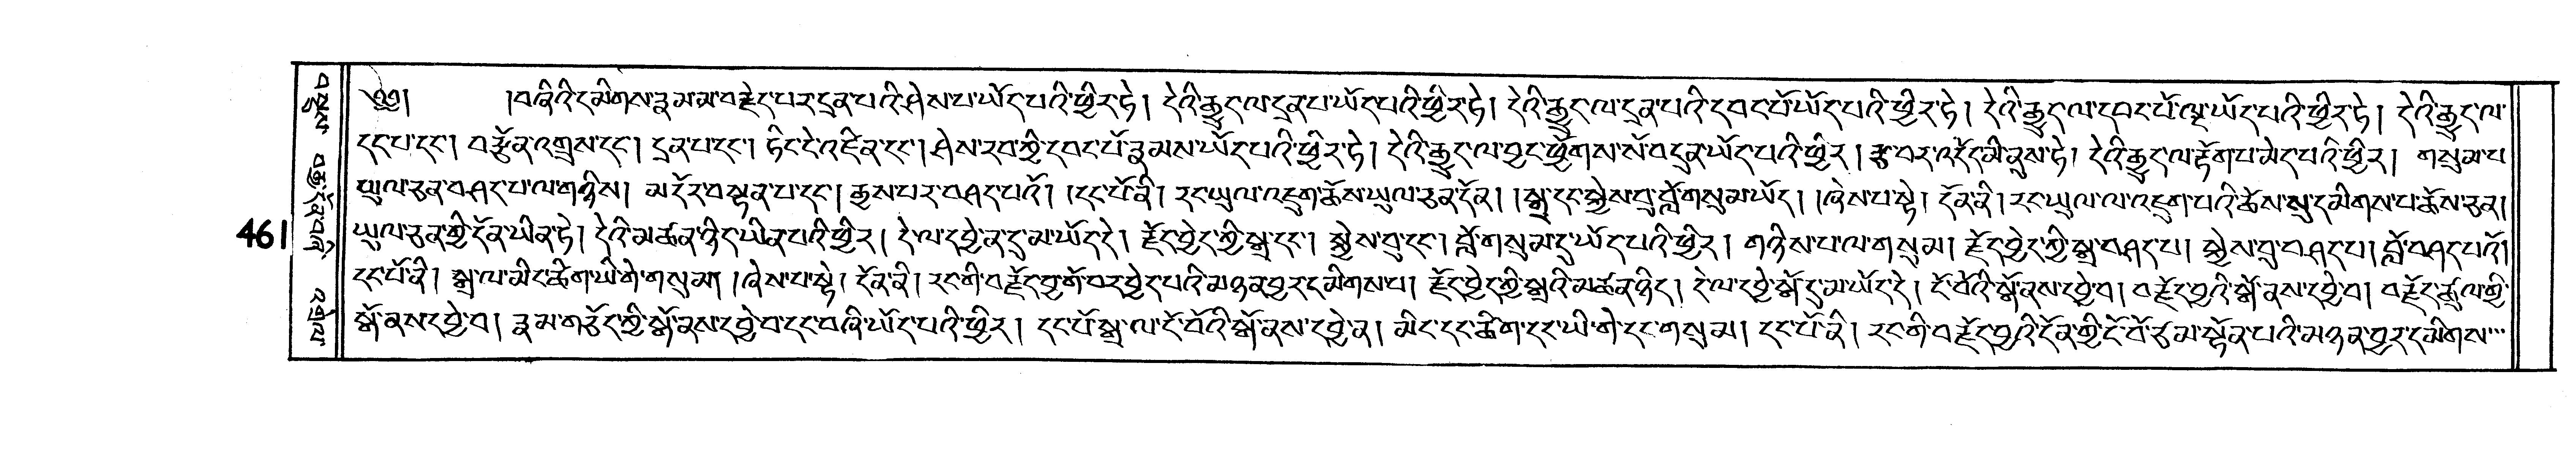༄༅། །བཞིའི་དམིགས་རྣམ་མ་བརྗེད་པར་དྲན་པའི་ཤེས་པ་ཡོད་པའི་ཕྱིར་ཏེ། དེའི་རྒྱུད་ལ་དྲན་པ་ཡོད་པའི་ཕྱིར་ཏེ། དེའི་རྒྱུད་ལ་དྲན་པའི་དབང་པོ་ཡོད་པའི་ཕྱིར་ཏེ། དེའི་རྒྱུད་ལ་དབང་པོ་ལྔ་ཡོད་པའི་ཕྱིར་ཏེ། དེའི་རྒྱུད་ལ་
དད་པ་དང་། བརྩོན་འགྲུས་དང་། དྲན་པ་དང་། ཏིང་ངེ་འཛིན་དང་། ཤེས་རབ་ཀྱི་དབང་པོ་རྣམས་ཡོད་པའི་ཕྱིར་ཏེ། དེའི་རྒྱུད་ལ་བྱང་ཕྱོགས་སོ་བདུན་ཡོད་པའི་ཕྱིར། རྩ་བར་འདོད་མི་ནུས་ཏེ། དེའི་རྒྱུད་ལ་རྟོག་པ་མེད་པའི་ཕྱིར། གསུམ་པ་
ཡུལ་ཅན་བཤད་པ་ལ་གཉིས། མདོར་བསྟན་པ་དང་། རྒྱས་པར་བཤད་པའོ། །དང་པོ་ནི། རང་ཡུལ་འཇུག་ཆོས་ཡུལ་ཅན་དོན། །སྒྲ་དང་སྐྱེས་བུ་བློ་གསུམ་ཡོད། །ཞེས་པ་སྟེ། དོན་ནི། རང་ཡུལ་ལ་འཇུག་པའི་ཆོས་སུ་དམིགས་པ་ཆོས་ཅན།
ཡུལ་ཅན་གྱི་དོན་ཡིན་ཏེ། དེའི་མཚན་ཉིད་ཡིན་པའི་ཕྱིར། དེ་ལ་དབྱེ་ན་དུ་མ་ཡོད་དེ། རྗོད་བྱེད་ཀྱི་སྒྲ་དང་། སྐྱེས་བུ་དང་། བློ་གསུམ་དུ་ཡོད་པའི་ཕྱིར། གཉིས་པ་ལ་གསུམ། རྗོད་བྱེད་ཀྱི་སྒྲ་བཤད་པ། སྐྱེས་བུ་བཤད་པ། བློ་བཤད་པའོ།
དང་པོ་ནི། སྒྲ་ལ་མིང་ཚིག་ཡི་གེ་གསུམ། །ཞེས་པ་སྟེ། དོན་ནི། རང་གི་བརྗོད་བྱ་གོ་བར་བྱེད་པའི་མཉན་བྱར་དམིགས་པ། རྗོད་བྱེད་ཀྱི་སྒྲའི་མཚན་ཉིད། དེ་ལ་དབྱེ་སྒོ་དུ་མ་ཡོད་དེ། ངོ་བོའི་སྒོ་ནས་དབྱེ་བ། བརྗོད་བྱའི་སྒོ་ནས་དབྱེ་བ། བརྗོད་ཚུལ་གྱི་
སྒོ་ནས་དབྱེ་བ། རྣམ་གཅོད་ཀྱི་སྒོ་ནས་དབྱེ་བ་དང་བཞི་ཡོད་པའི་ཕྱིར། དང་པོ་སྒྲ་ལ་ངོ་བོའི་སྒོ་ནས་དབྱེ་ན། མིང་དང་ཚིག་དང་ཡི་གེ་དང་གསུམ། དང་པོ་ནི། རང་གི་བརྗོད་བྱའི་དོན་གྱི་ངོ་བོ་ཙམ་སྟོན་པའི་མཉན་བྱར་དམིགས་